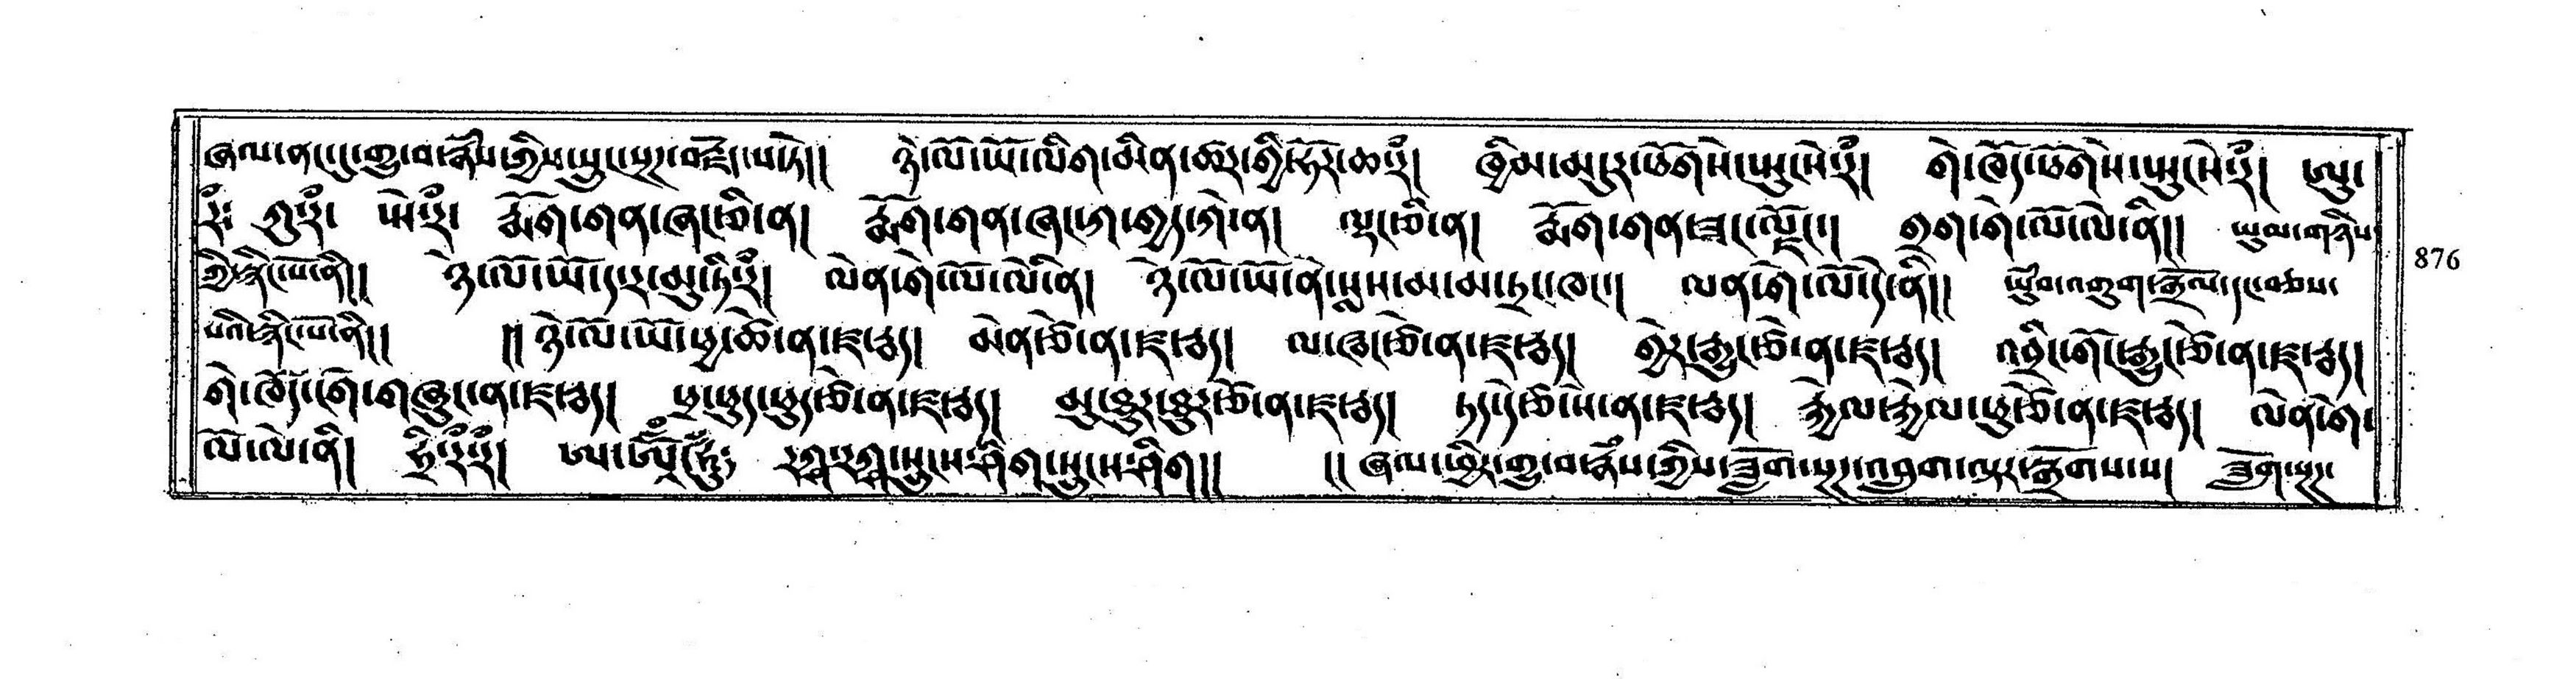ཞལ་ནང་དུ་གྱུ་བ་རྣམས་ཀྱིས་སྲུང་སྔགས་བརྗོད་པ་ཏེ།། ཉེ་ལོ་ཡོ་ལིག་མིན་ཚར་གྱི་ཧོར་ཆ་རཾ། ཁྱིམ་མདུར་ཕོགསེ་སྤུངསེ་རཾ། གེ་ཁོད་ཕོགསེ་སྤུངསེ་རཾ། ཨུ་
རཾ༴ ཀུ་རཾ་སྤེ་རཾ་རྨོག་གན་ཞང་ཅི་ན། རྨོག་གན་གང་ཀ་གྱད་ཀེ་ན། ལྡང་ཅི་ན། རྨོག་གན་ཟང་ལྗོང་། གྲག་གེ་ལོ་ལེ་ནི།། ཡུམ་གཉིས་
ཀྱི་སྙིང་པོ་ནི།། ཉེ་ལོ་ཡོ་ད་ར་མུ་ཏི་རཾ། ལེན་གེ་ལོ་ལེ་ནི། ཉེ་ལོ་ཡོ་ནེ་སླས་མ་མ་ཏྲང་ཁང་། ལན་གེ་ལོ་དེ་ནི།། ཡབ་ཡུམ་འགུག་སྒྲོལ་དང་བཅས་
པའི་སྙིང་པོ་ནི།། །།ཉེ་ལོ་ཡོ་ཕྱ་ཚེ་ན་ཛ་རྦད། མེན་ཙེ་ན་ཛ་རྦད། ལ་ཝང་ཙེ་ན་ཛ་རྦད། གྱེར་རྒྱུང་ཙེ་ན་ཛ་རྦད། འབྲིང་གོང་རྒྱུང་ཙེ་ན་ཛ་རྦད། 
གེ་ཁོད་ངོག་གཞུང་ན་ཛ་རྦད། ཕྲ་ཕུད་ཕུད་ཙེ་ན་ཛ་རྦད། མུ་ཐུར་ཐུར་ཙེ་ན་ཛ་རྦད། ཏད་དེ་ཙ་སེ་ན་ཛ་རྦད། རྐྱེལ་རྐྱེལ་ཕུ་ཙེ་ན་ཛ་རྦད། ལེན་གེ་
ལོ་ལེ་ནི། ཧྲི་རཾ་རཾ། ཨ་ཨཱོཾ་ཧཱུྃ། རཀྴ་རཀྴ་སྲུངས་ཤིག་སྲུངས་ཤིག །།ཞལ་ཕྱིར་གྱུ་བ་རྣམས་ཀྱིས་ཟློག་སྔགས་འབྲུག་ལྟར་སྒྲོགས་པ། ཟློག་སྔགས་